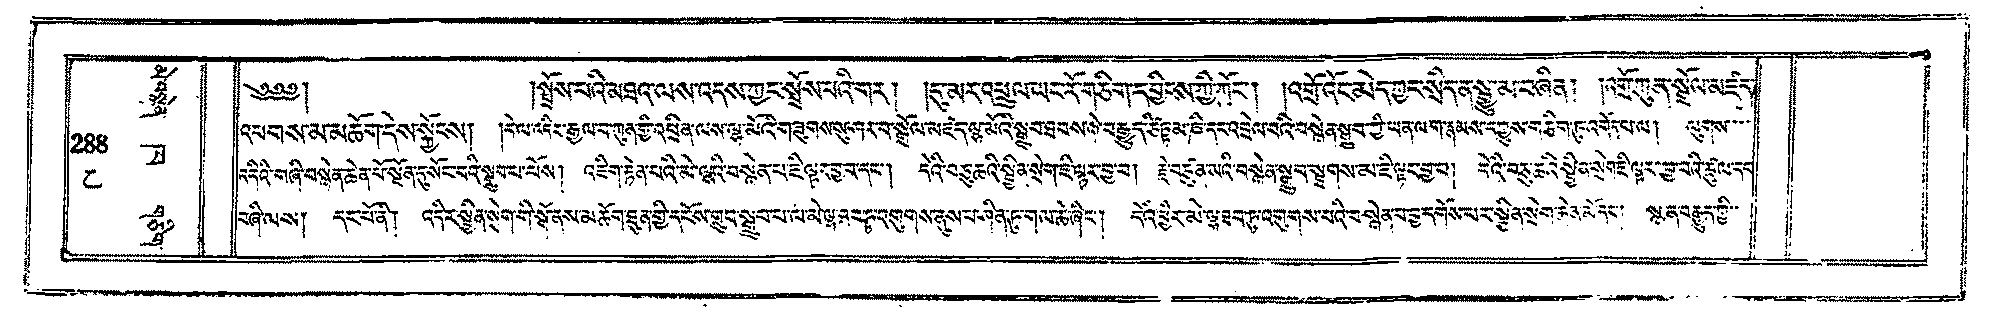༄༅༅། །སྤྲོས་པའི་མཐའ་ལས་འདས་ཀྱང་སྤྲོས་པའི་གར། །དུ་མར་འཕྲུལ་ཡང་རོ་གཅིག་དབྱིངས་ཀྱི་ཀོང་། །འགྲོ་འོང་མེད་ཀྱང་སྲིད་ན་སྒྱུ་མ་བཞིན། །འགྲོ་ཀུན་སྒྲོལ་མཛད་
འཕགས་མ་མཆོག་དེས་སྐྱོངས། །དེ་ལ་འདིར་རྒྱལ་བ་ཀུན་གྱི་འཕྲིན་ལས་ལྷ་མོའི་གཟུགས་སུ་ཤར་བ་སྒྲོལ་མཛད་ལྷ་མོའི་སྒྲུབ་ཐབས་ཉེ་བརྒྱུད་ཙིཏྟ་མ་ཎི་དང་འབྲེལ་བའི་བསྙེན་སྒྲུབ་ཀྱི་ཡན་ལག་རྣམས་དཀྱུས་གཅིག་ཏུ་འགོད་པ་ལ། ལུགས་་་
འདིའི་གཞི་བསྙེན་ཆེན་པོ་སྔོན་དུ་སོང་བའི་སྒྲུབ་པ་པོས། འཇིག་རྟེན་པའི་མེ་ལྷའི་བསྙེན་པ་ཇི་ལྟར་བྱ་བ་དང་། དེའི་བཅུ་ཆའི་སྦྱིན་སྲེག་ཇི་ལྟར་བྱ་བ། རྗེ་བཙུན་མའི་བསྙེན་སྒྲུབ་སྦྲགས་མ་ཇི་ལྟར་བྱ་བ། དེའི་བཅུ་ཆའི་སྦྱིན་སྲེག་ཇི་ལྟར་བྱ་བའི་ཚུལ་དང་
བཞི་ལས། དང་པོ་ནི། འདིར་སྦྱིན་སྲེག་གི་སྒོ་ནས་མཆོག་ཐུན་གྱི་དངོས་གྲུབ་པ་ལ་མེ་ལྷ་ཐབ་ཏུ་འགུགས་ནུས་པ་ཤིན་ཏུ་གལ་ཆེ་ཞིང་། དེའི་ཕྱིར་མེ་ལྷ་ཐབ་ཏུ་འགུགས་པའི་བསྙེན་བ་བྱ་དགོས་པར་སྦྱིན་སྲེག་ཆེན་མོ་དང་། སྙན་བརྒྱུད་ཀྱི་་་